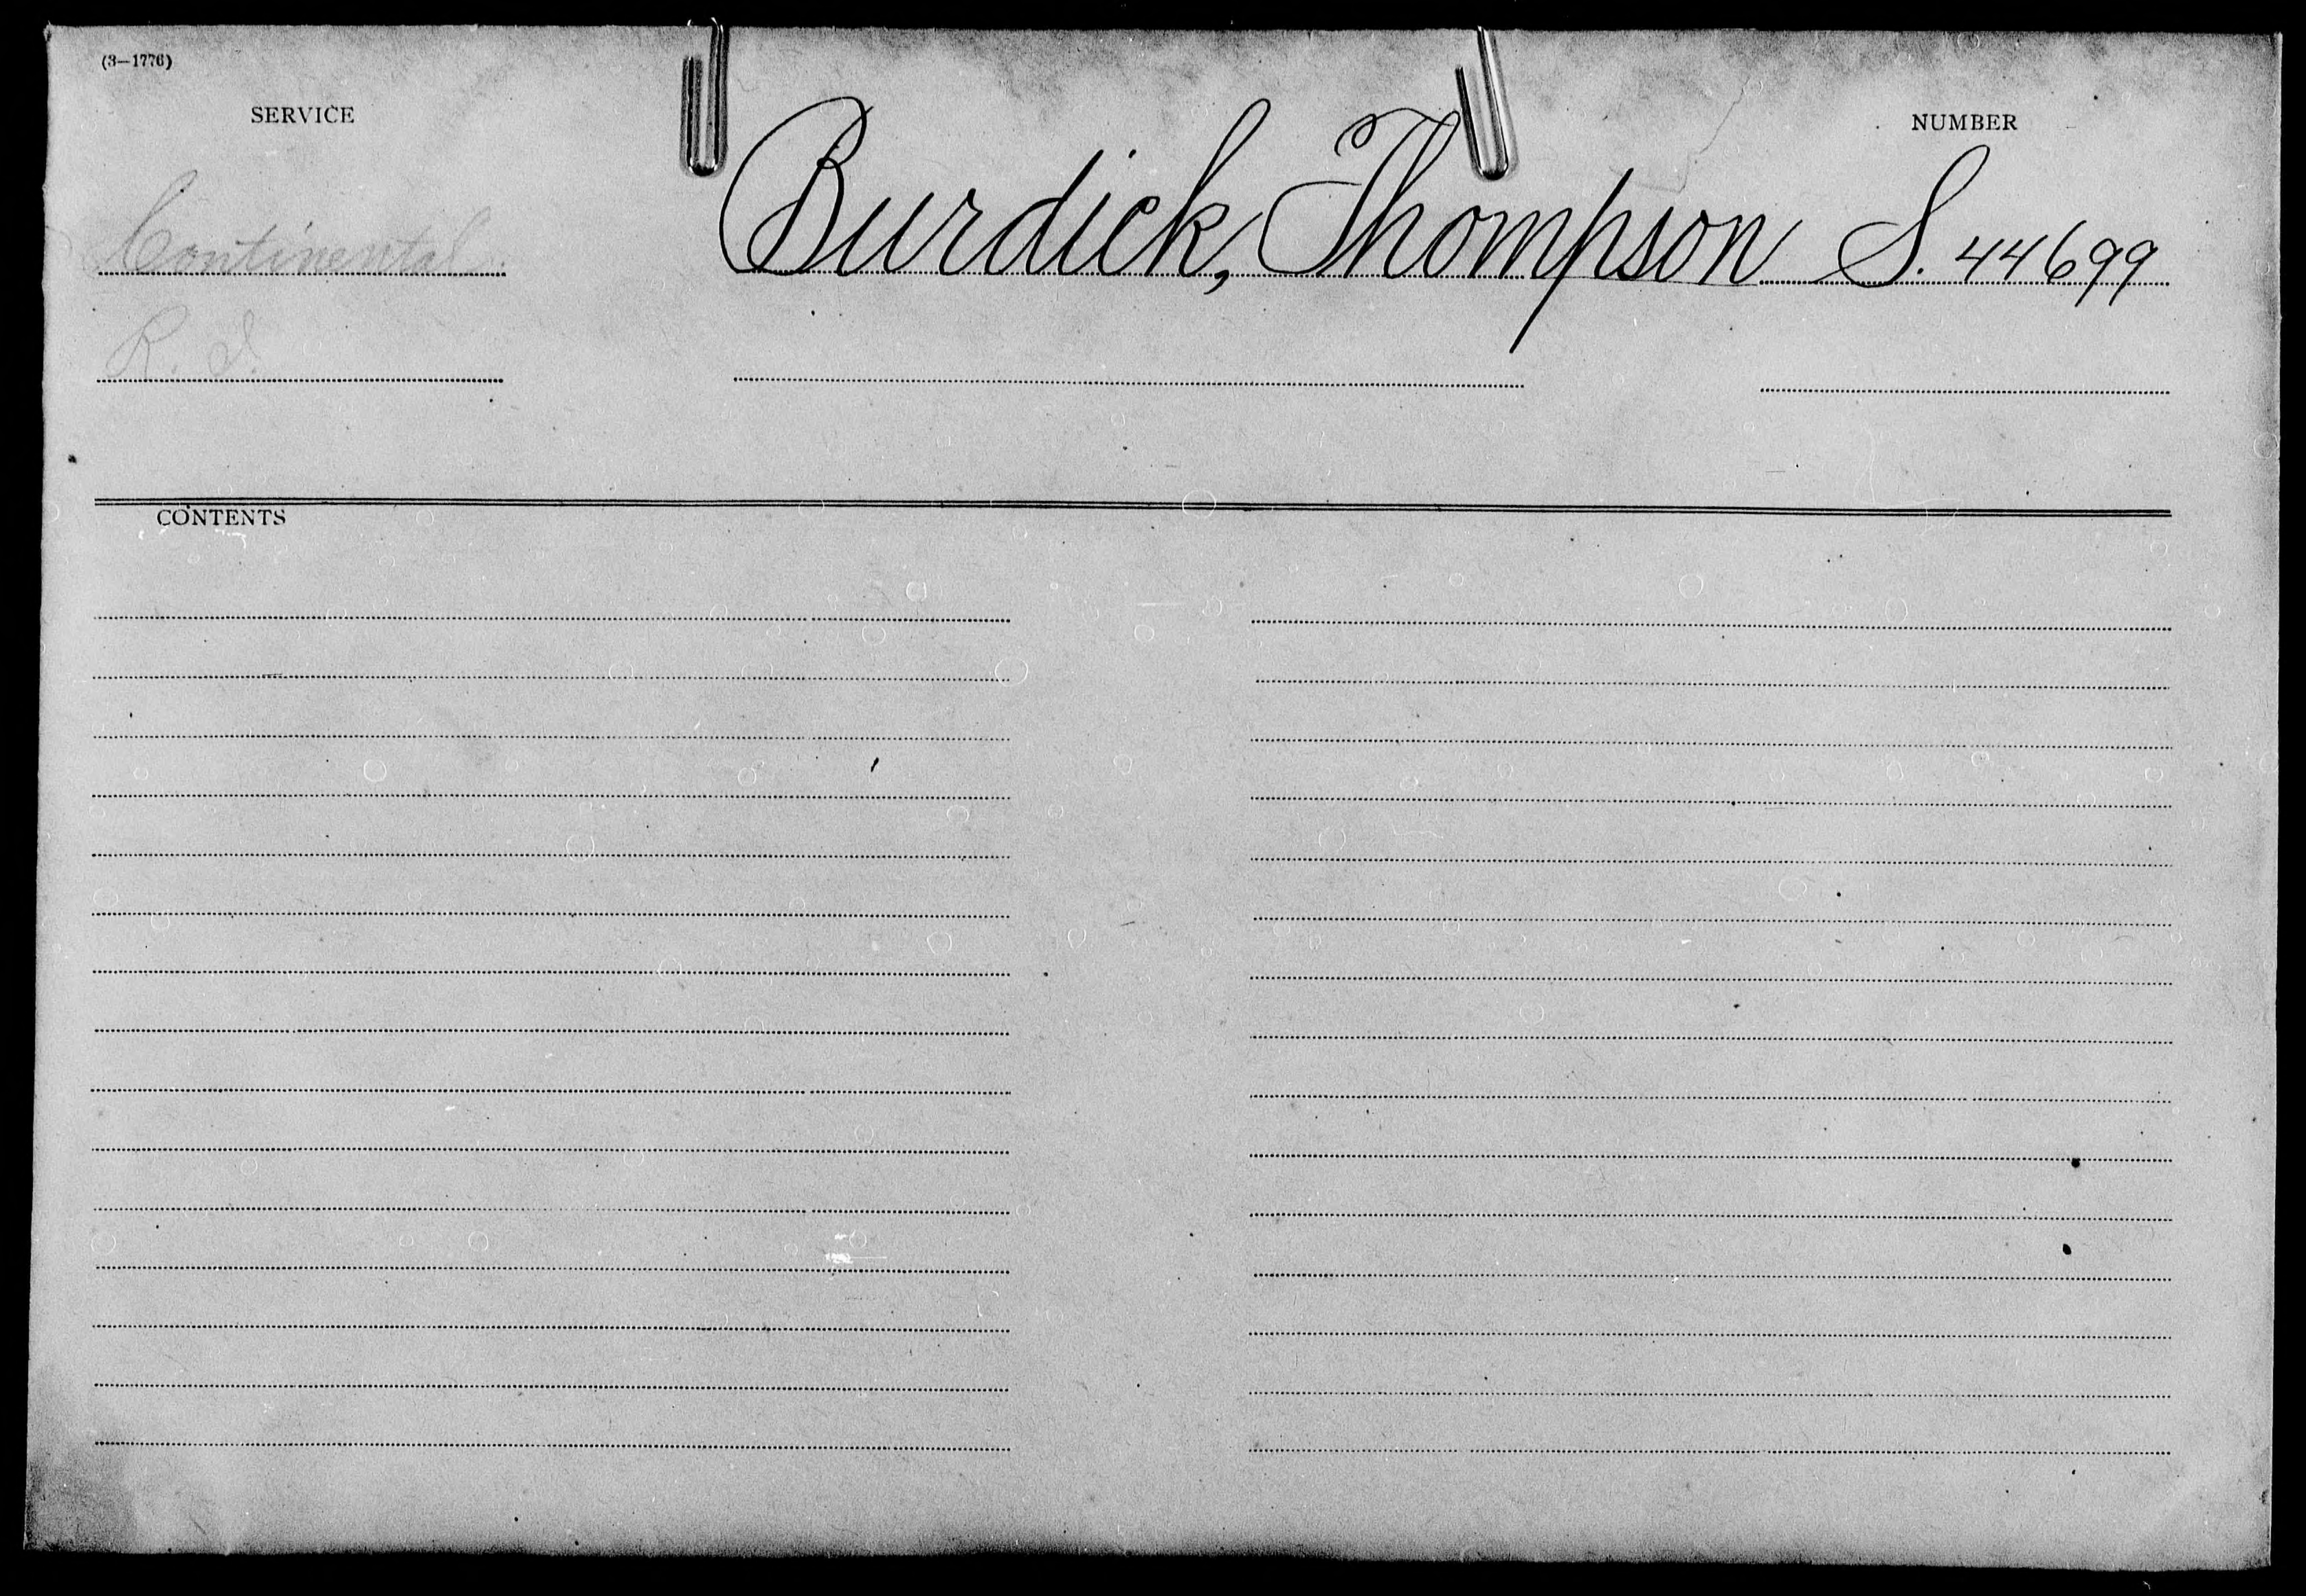(3-1776)
SERVICE NUMBER
Continental Burdick, Thompson S. 44699
R.I.
CONTENTS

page: 1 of 38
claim: survivor's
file: S. 44699, Thompson Burdick, Continental R.I.